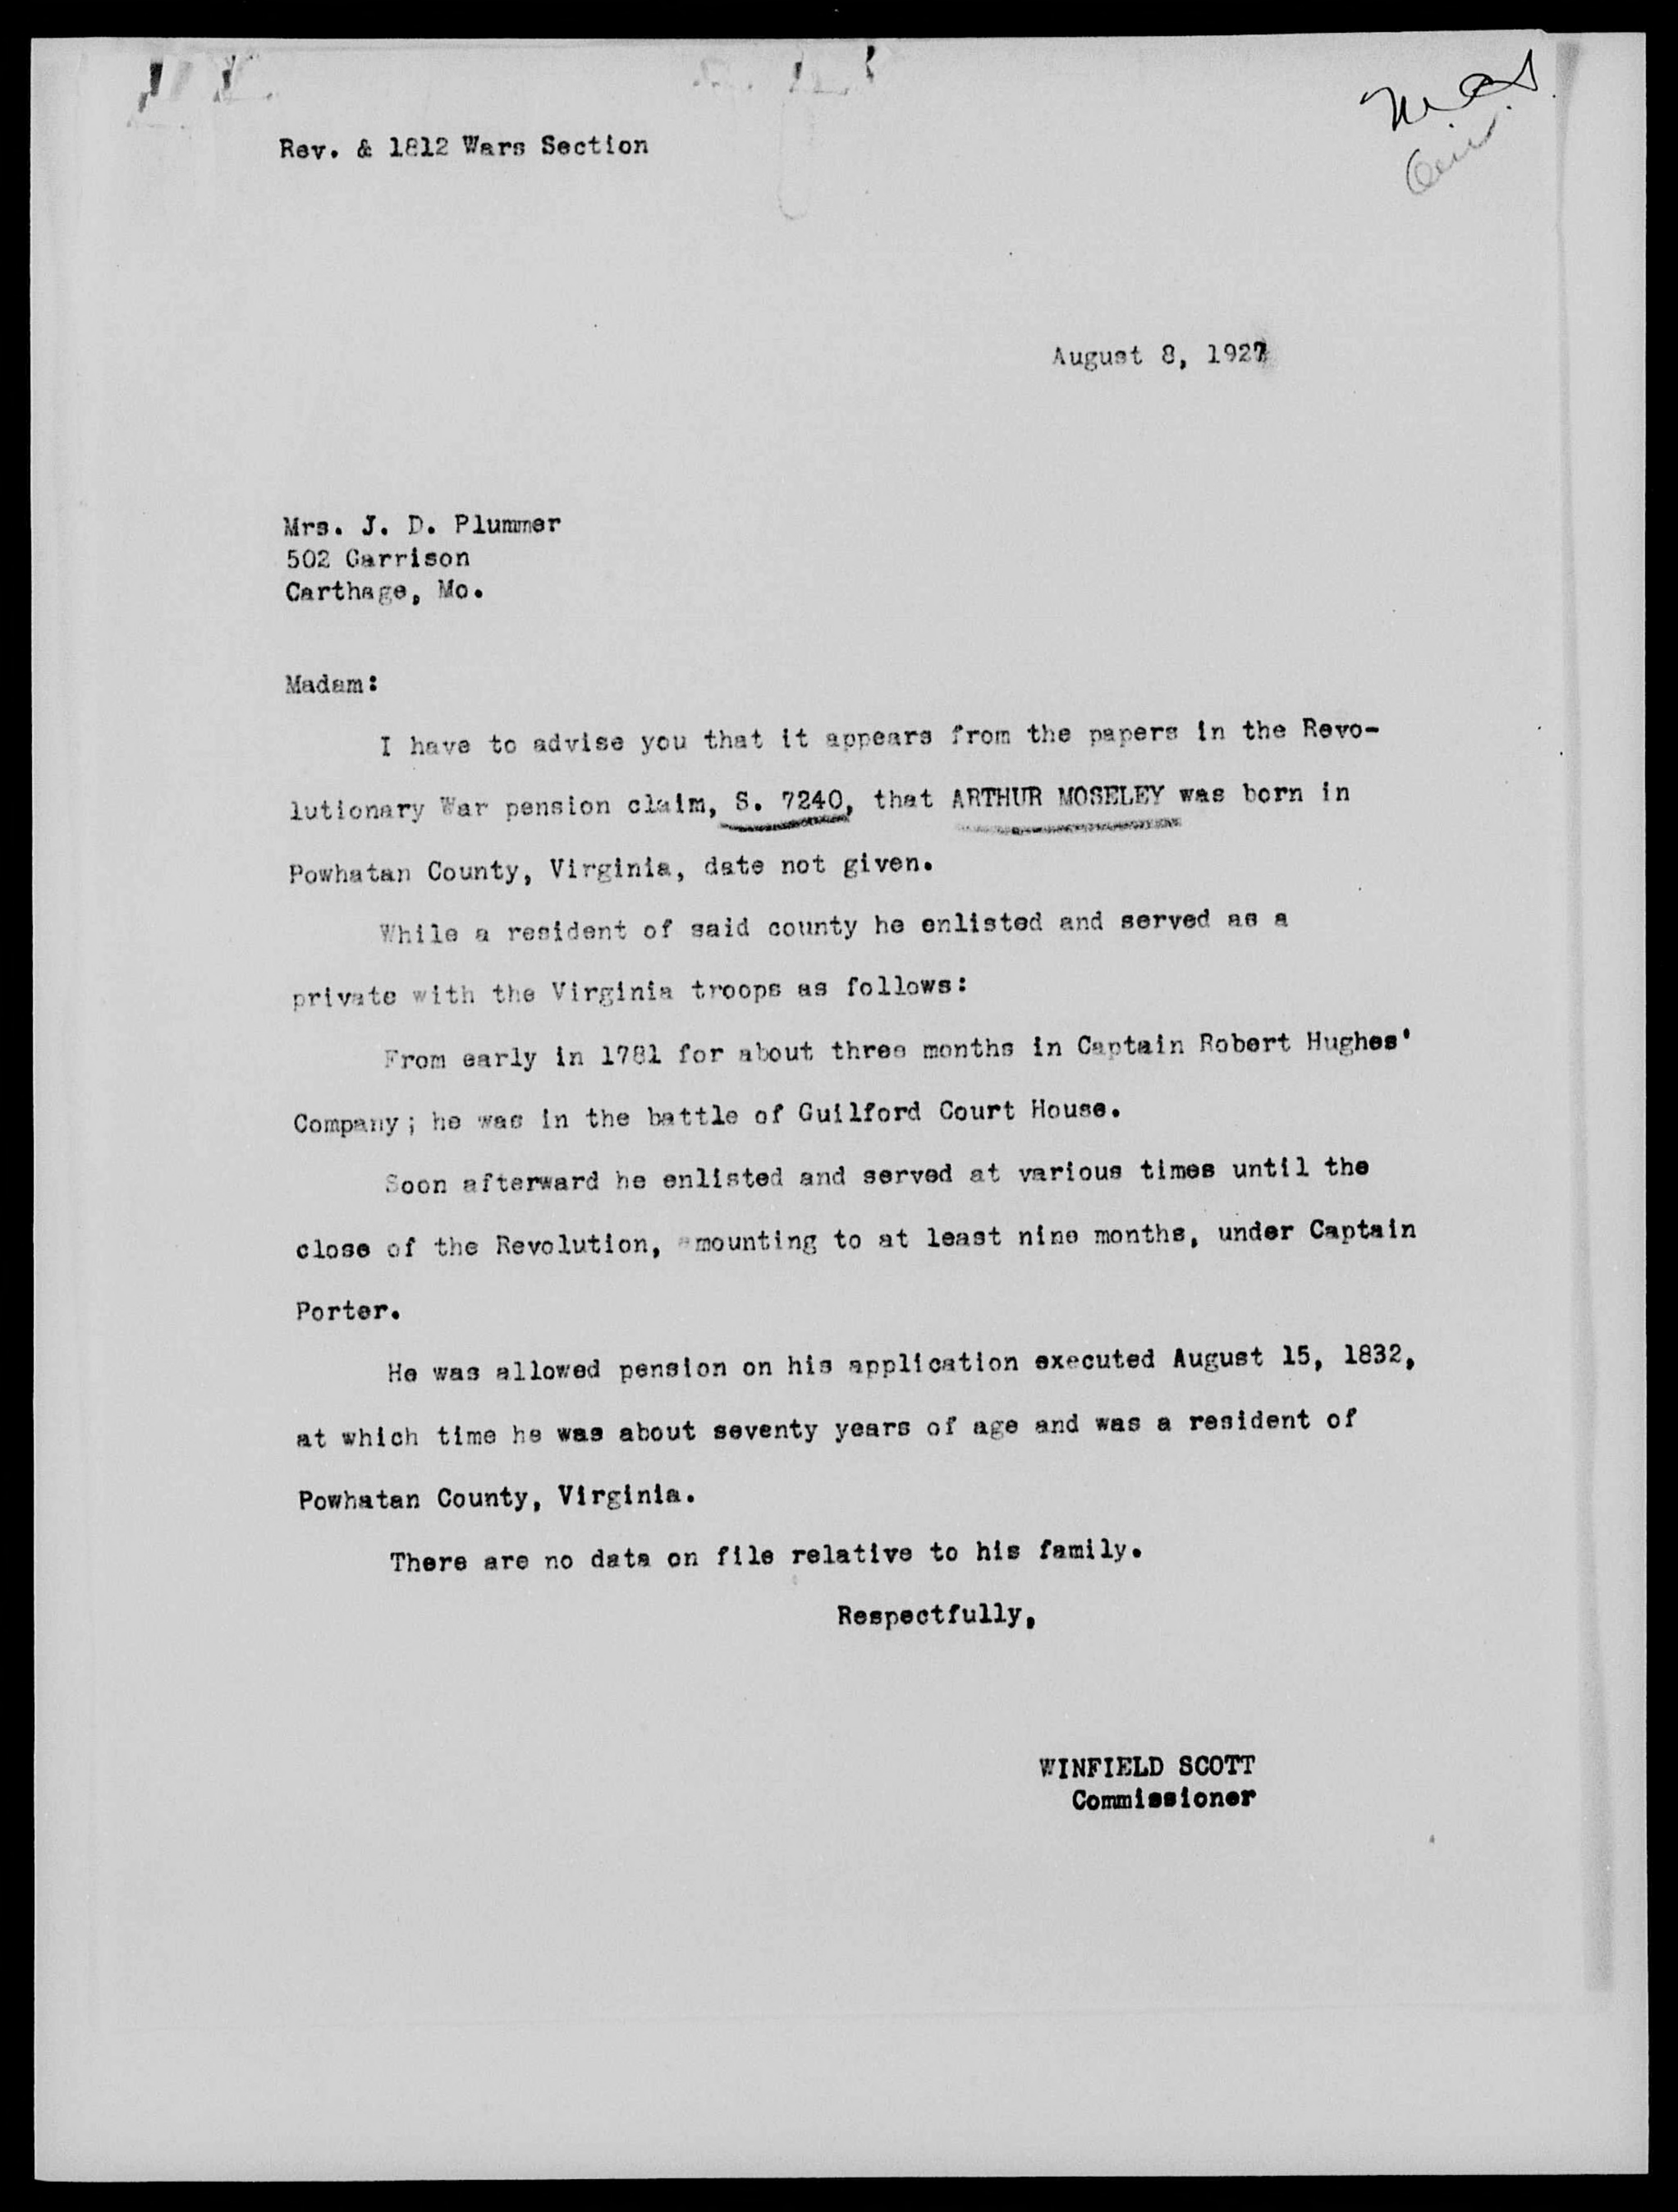Rev. & 1812 Wars Section

August 8, 1927

Mrs. J. D. Plummer
502 Garrison
Carthage, Mo.

Madam:

I have to advise that it appears from the papers in the Revolutionary War pension claim, S. 7240, that ARTHUR MOSELEY was born in Powhatan County, Virginia, date not given.

While a resident of said county he enlisted and served as a private with the Virginia troops as follows:

From early in 1781 for about three months in Captain Robert Hughes’ Company; he was in the battle of Guilford Court House.

Soon afterward he enlisted and served at various times until the close of the Revolution, amounting to at least nine months, under Captain Porter.

He was allowed pension on his application executed August 15, 1832, at which time he was about 70 years of age and was a resident of Powhatan County, Virginia.

There are no data on file relative to his family.
Respectfully,

WINFIELD SCOTT
Commissioner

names: [BLANK] Porter; Arthur Moseley; Winfield Scott; J D Plummer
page: 12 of 21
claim: survivor's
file: S. 7240, for Arthur Moseley, Virginia